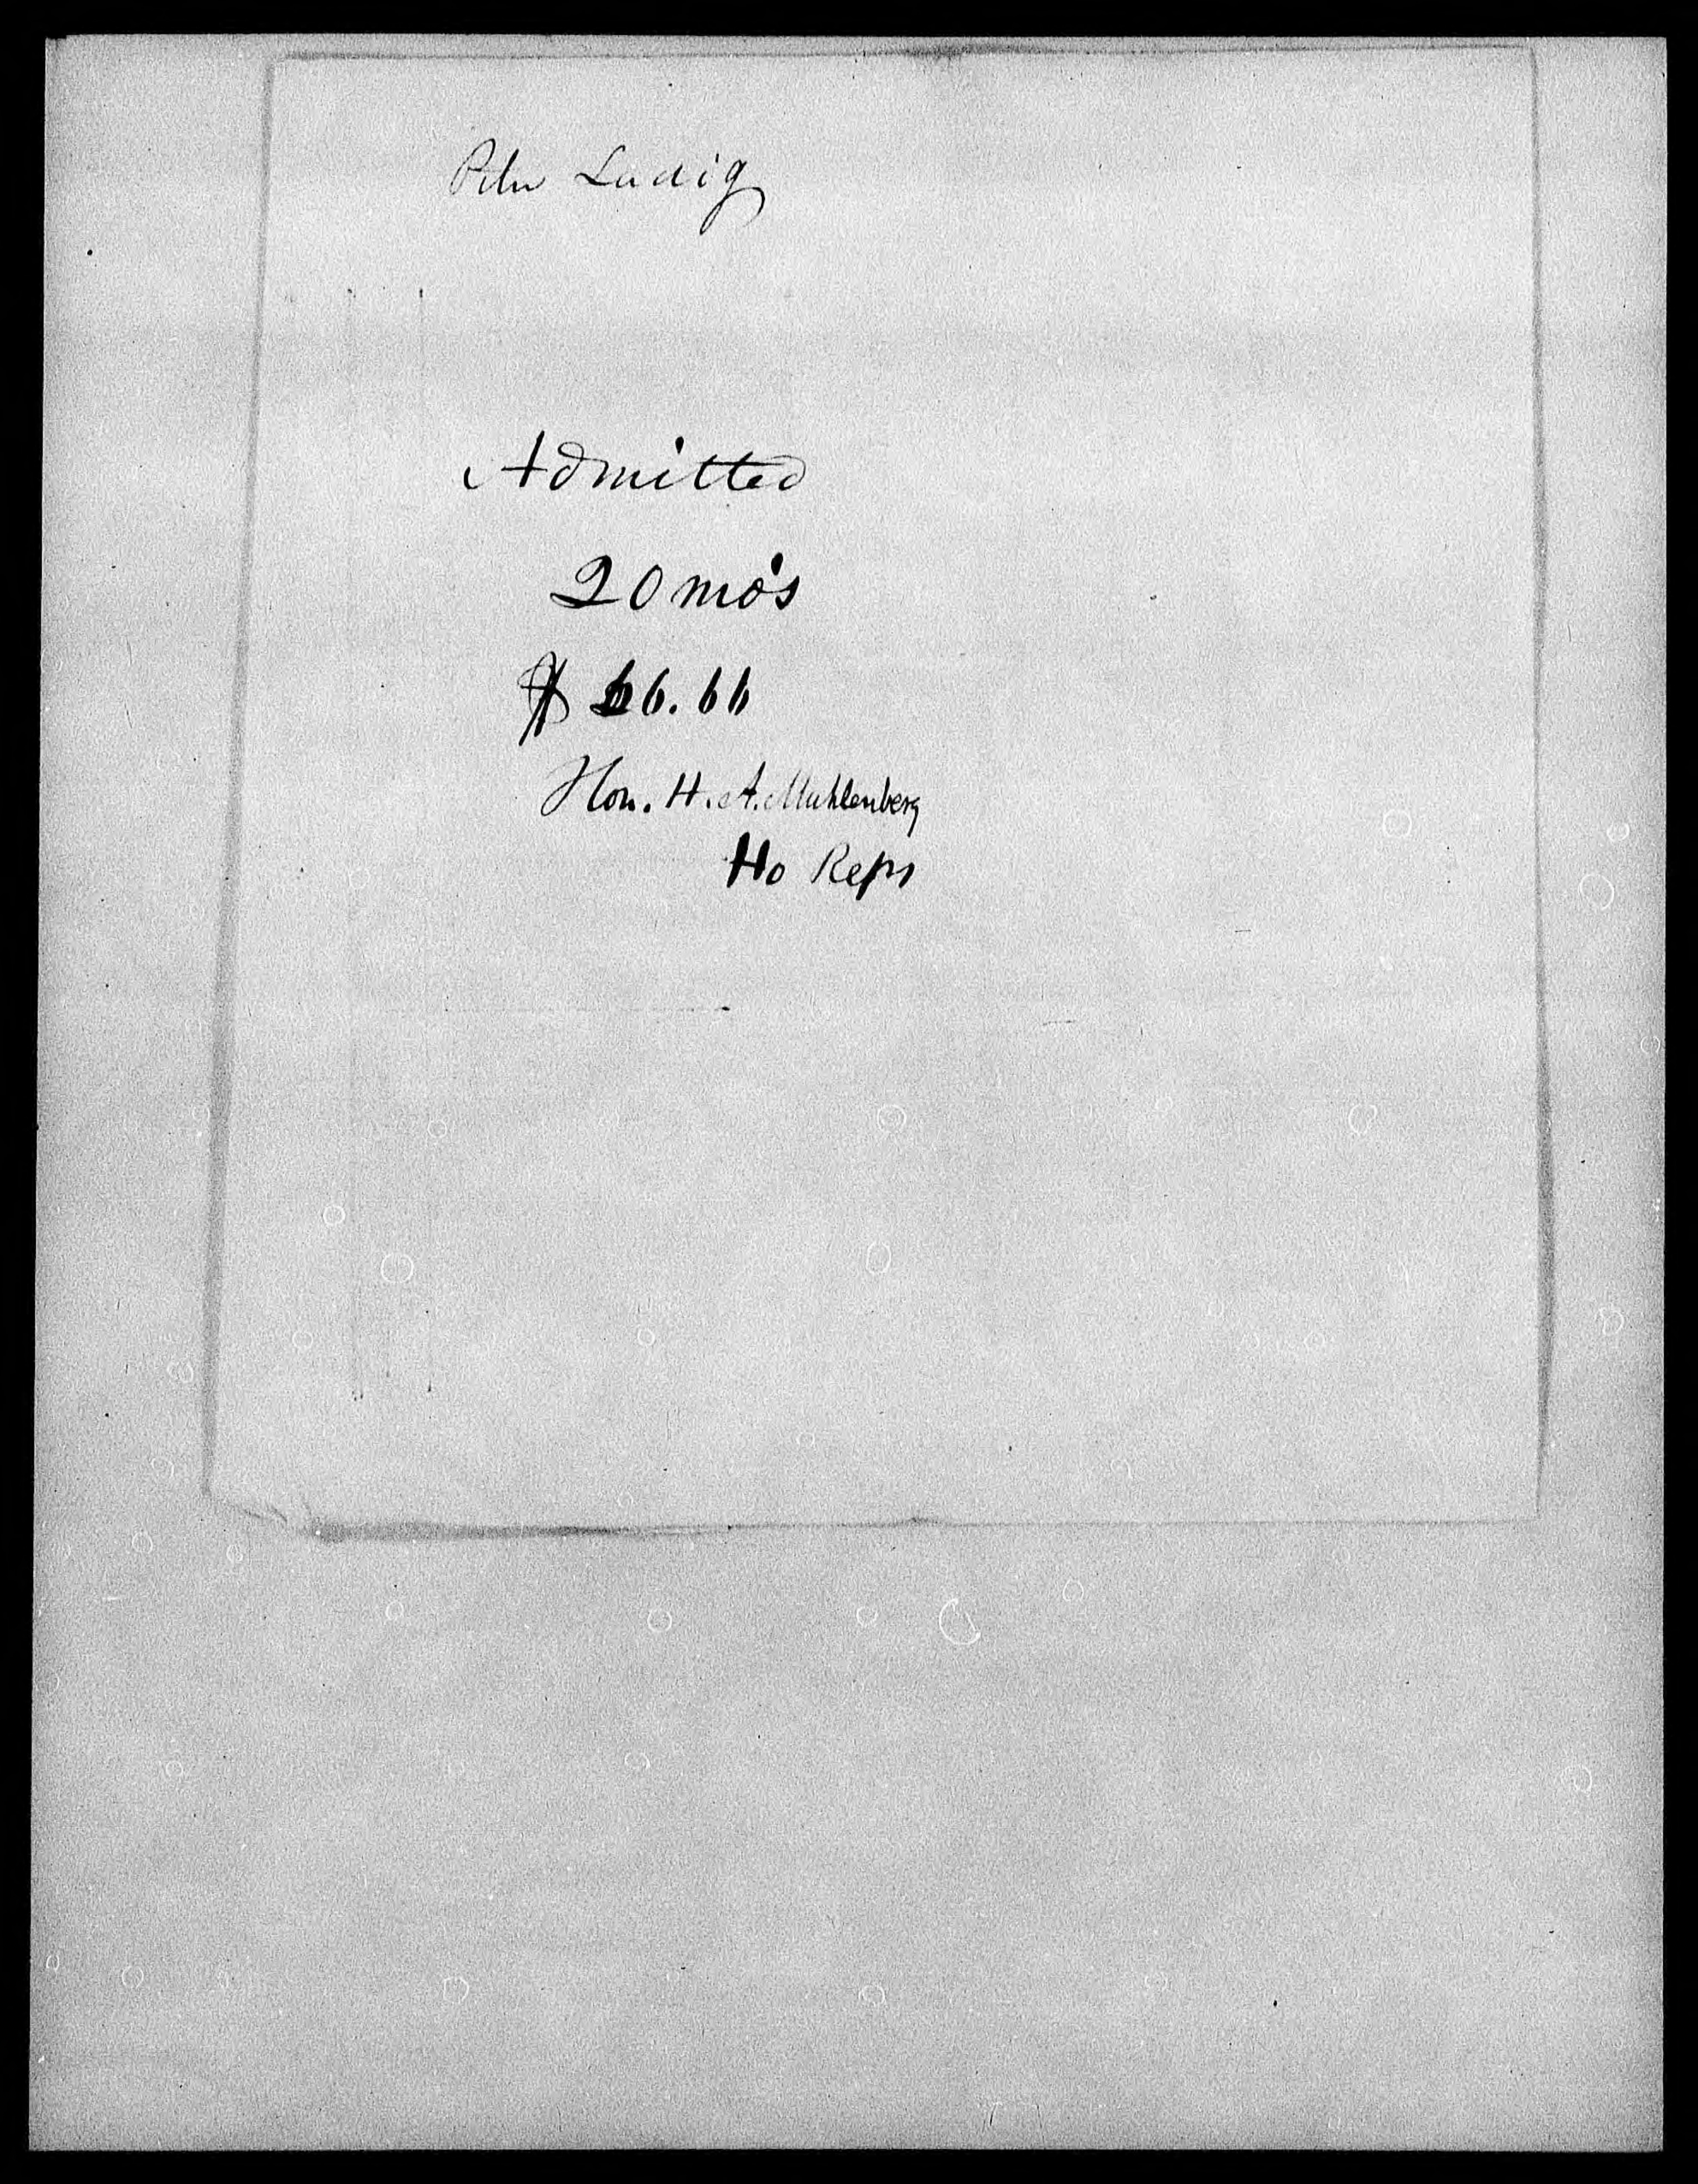Peter Ladig
Admitted
20 mos
$66.66
Hon. H.A. Muhlenberg
Ho Reps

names: Peter Ladig; H A Muhlenberg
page: 3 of 17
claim: survivor's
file: S. 4499, for Peter Ladig, Pennsylvania